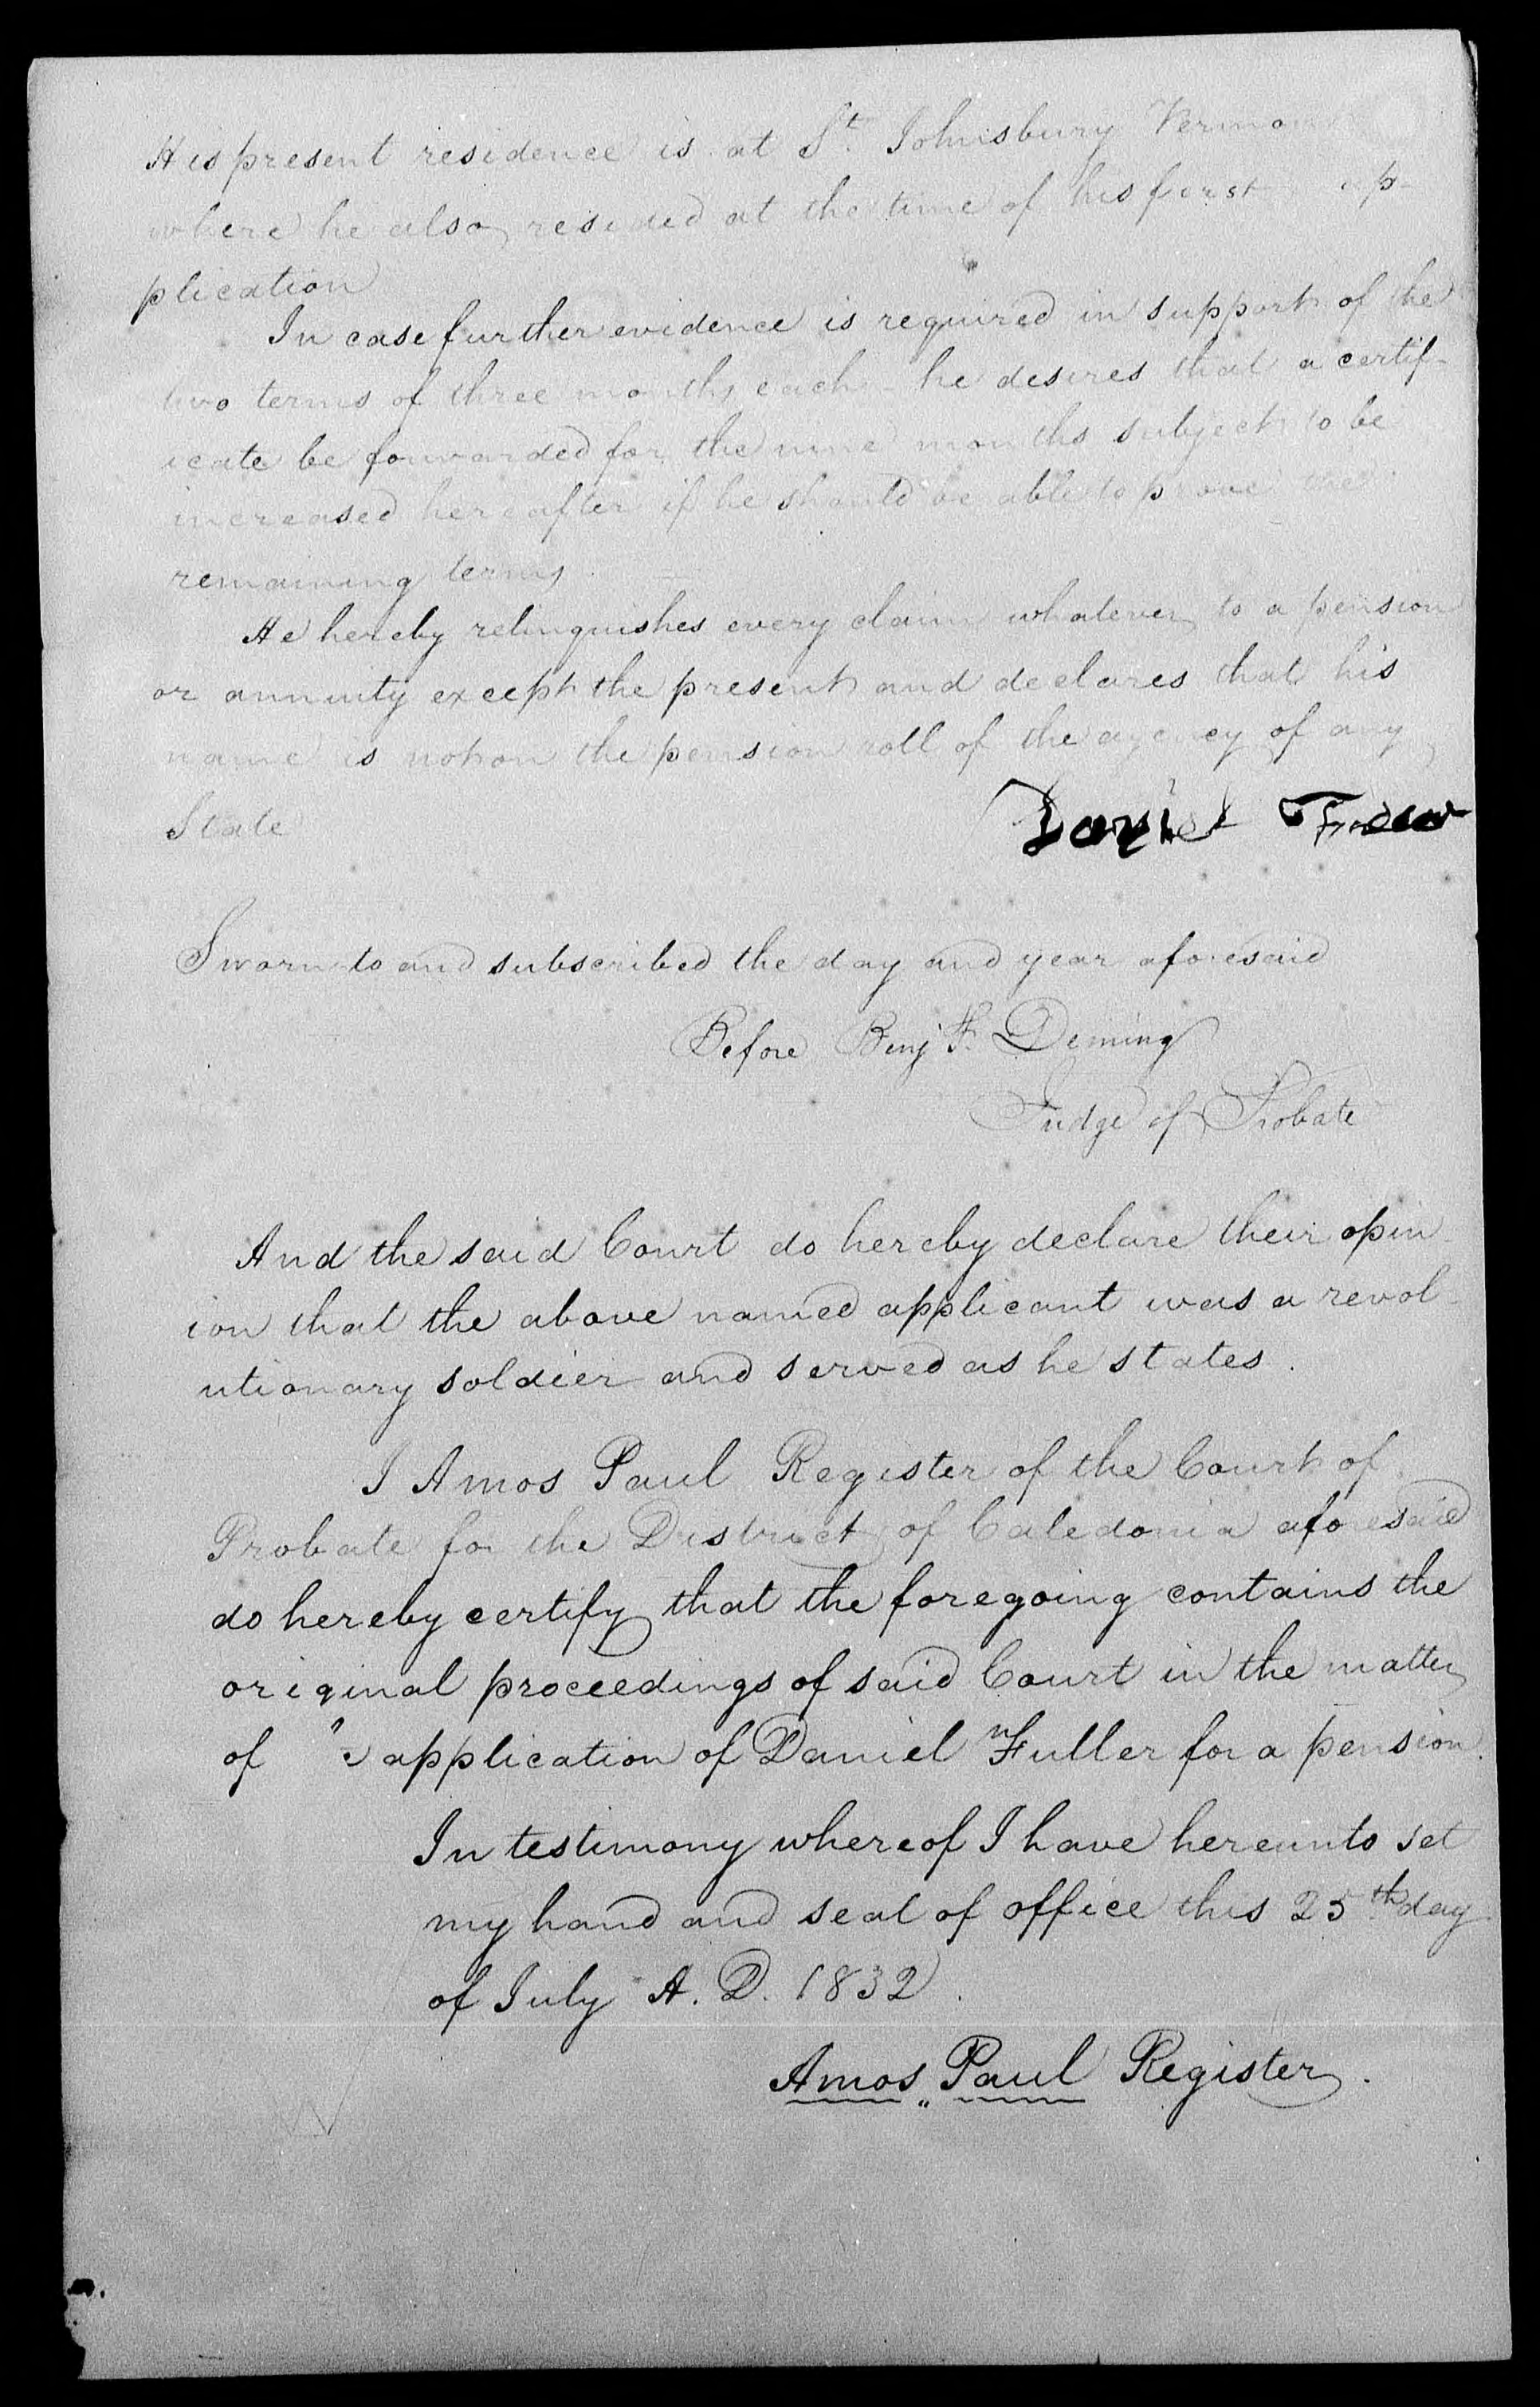His present residence is at St. Johnsbury Vermont where he also resided at the time of his first application.

In case further evidence is required in support of the two terms of three months each, he desires that a certificate be forwarded for the nine months subject to be increased hereafter if he should be able to prove the remaining terms.

He hereby relinquishes every claim whatever to a pension or annuity except the present and declares that his name is not on the pension roll of the agenct of any State.

Daniel Fuller [signature]

Sworn to and inscribed the day and year aforesaid

Before Benj. F Denning
Judge of Probate

And the said Court do hereby declare their opinion that the above named applicant was a revolutionary soldier and served as he states.

I Amos Paul Register of the Court of Probate for the District of Caledonia aforesaid do hereby certify that the foregoing contains the original proceedings of said Court in the matter of the application of Daniel Fuller for a pension.

In testimony whereof I have hereunto set my hand and seal of office this 25th day of July A.D. 1832.

Amos Paul Register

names: Amos Paul, Daniel Fuller, Amos Paul, Daniel Fuller, Benj F Deming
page: 5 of 29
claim: survivor's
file: S. 18830, Daniel Fuller, Mass.